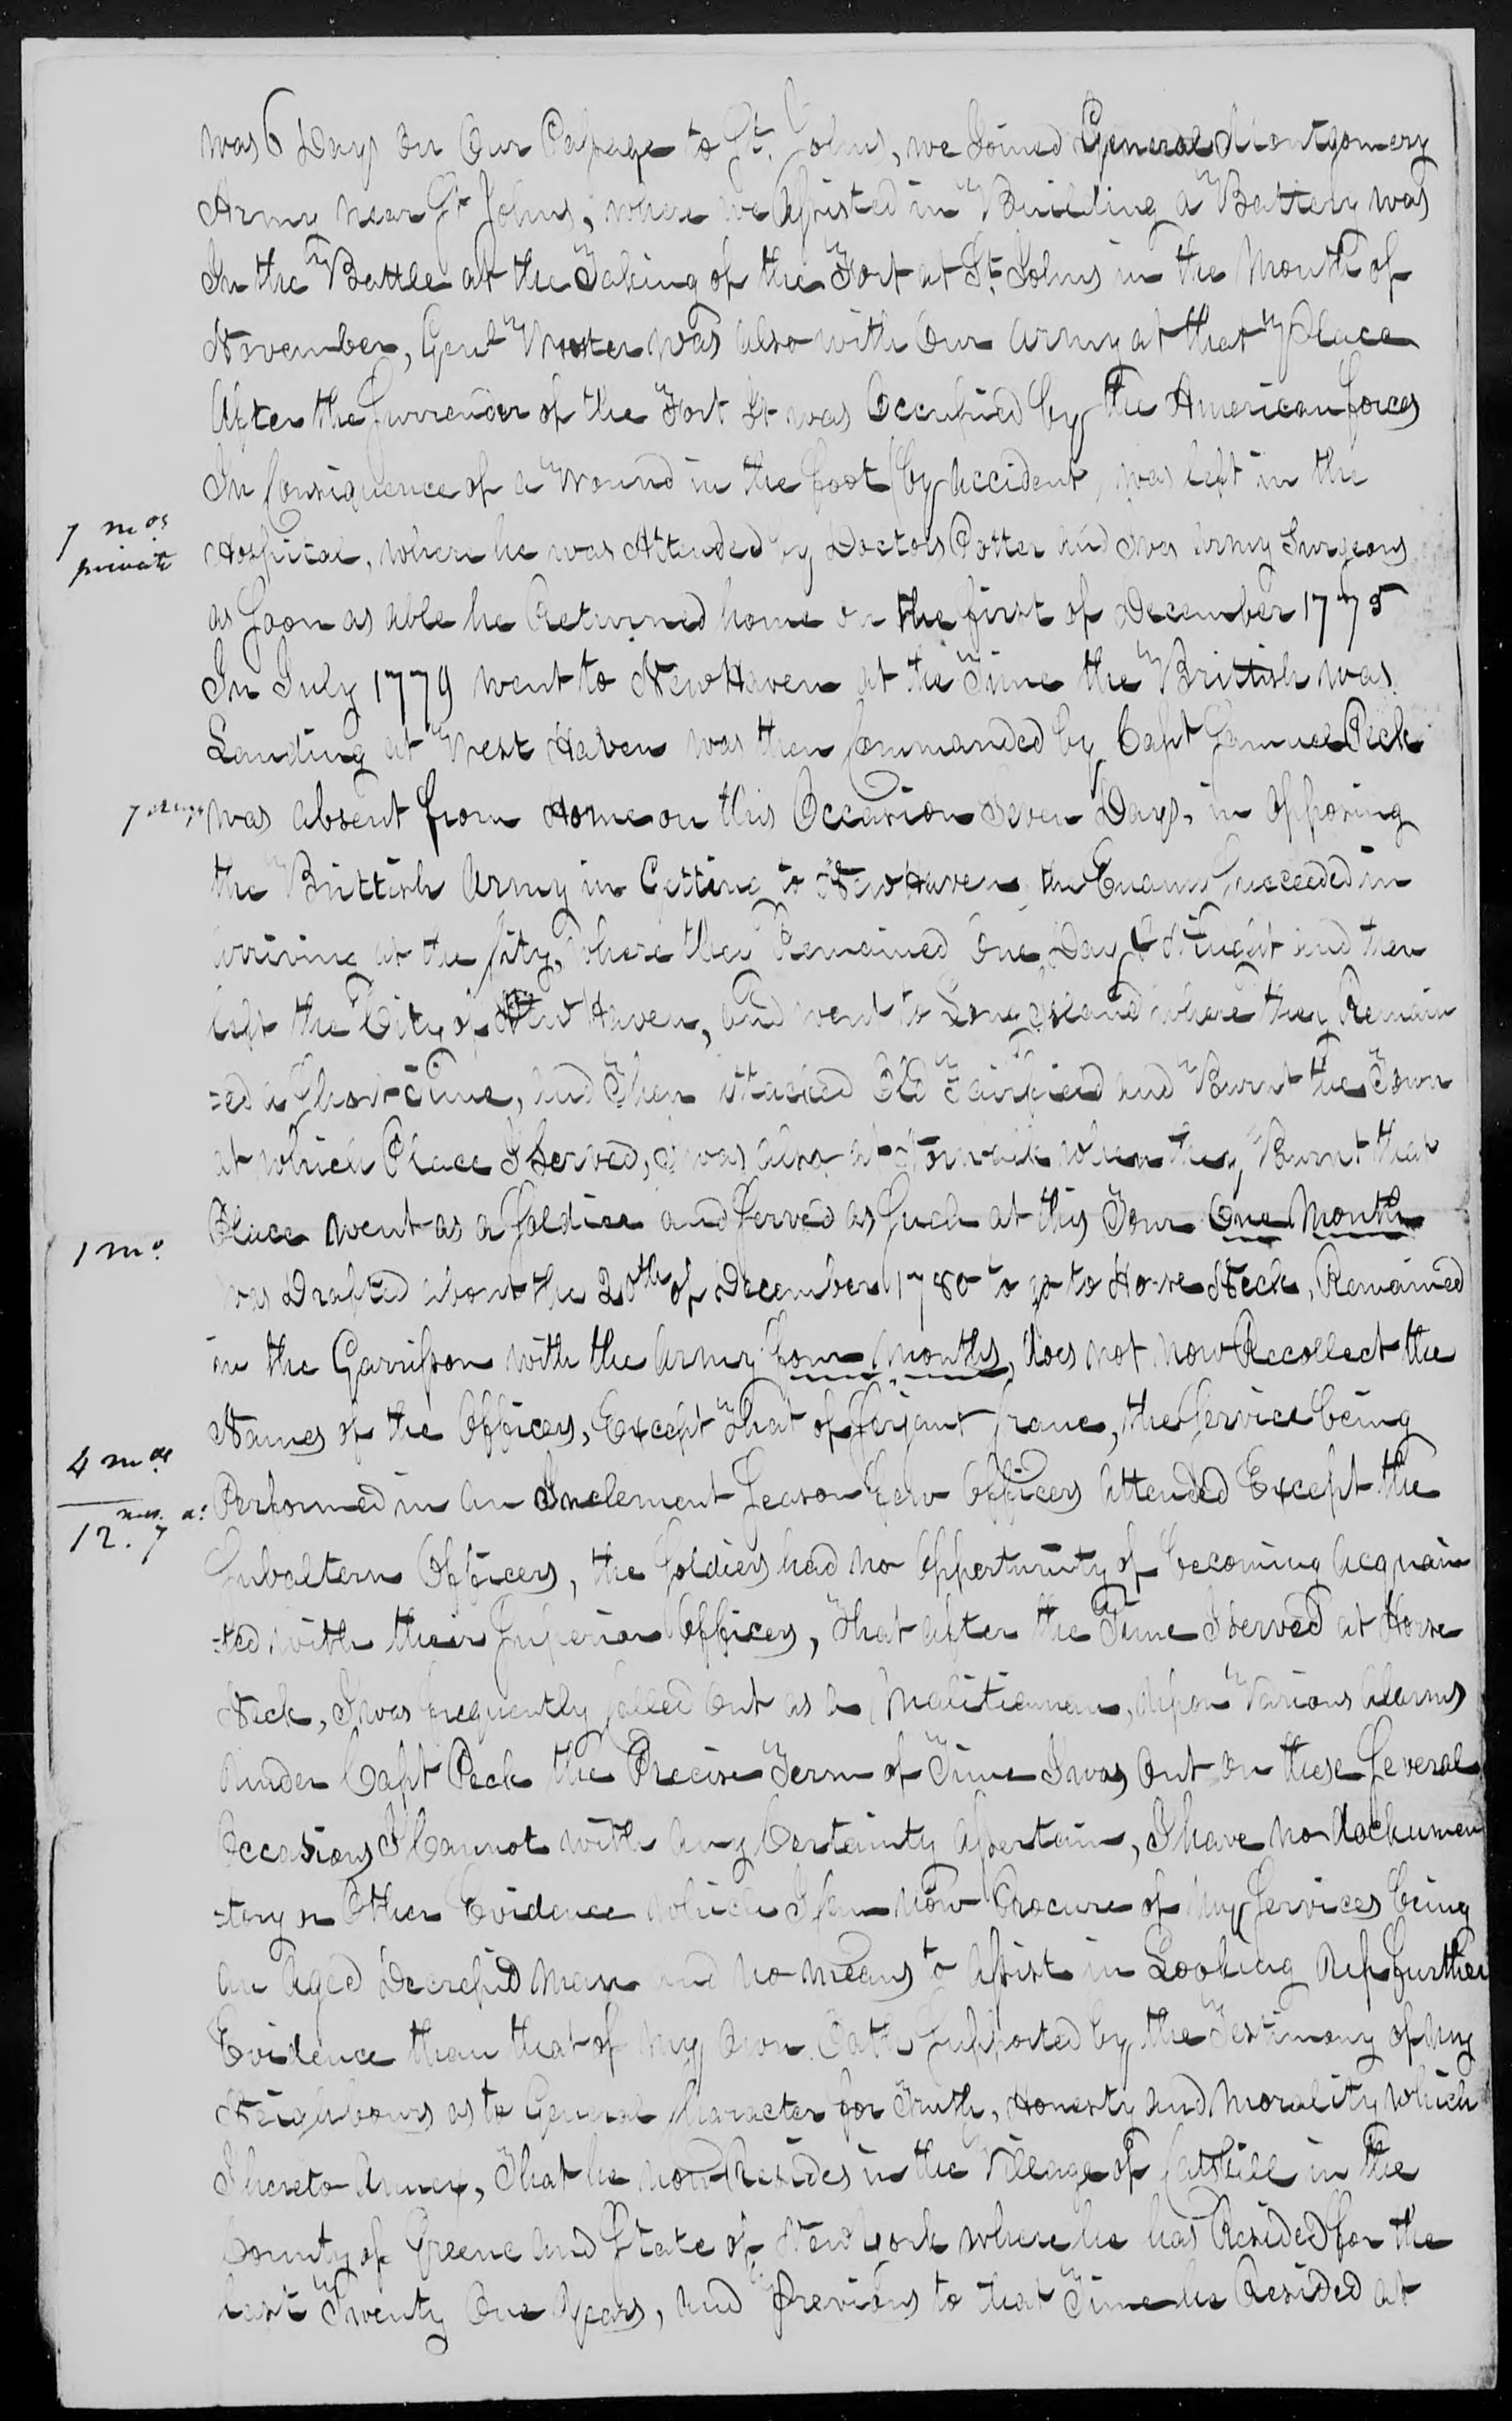was I Days on Our Property to St Johns, we joined General Montgomery
Army near St Johns, where we [illegible] in Building a Battery was
In the Battle at the taking of the Fort at St Johns in the month of
November, Luit Wooster was also with our army at that place
After the Surrender of the Fort it was Decided by the American forces
In consequence of a wound in the post by accident was left in the
Hospital, where he was attended by Doctor Potter and over army surgeons
as soon as able he returned home on the first of December 1775
In July 1779 went to New Haven at the time the Brittish was
Landing at West Haven was then commanded by Capt [illegible] Peck
was absent from some on this occation Seven Days in opposing
the Brittish Army in Cotting to of aware in Evans succeeded in
being in the city where they remained one day and fight and then
left the City of New Haven and went to [illegible] Island where they remained
as [illegible] and then attacked [illegible] Fairfield and Burnt the Town
at which place I served, [illegible] [illegible] [illegible]  when they Burnt that
Place went as a Soldier and served as such at this Town One month
was Drafted about the 20th of December 1780 to go to Home [illegible], Remained
in the Garrison with the army four months, does not now recollect the
Army of the officers, Except that of Serjant Crane, the service being
performed in an inclement season few Officers attended Except the
[illegible] officers, the soldiers had no opportunity of becoming again acquainted
with their Inferior officers, that after the time I served at home
sick, I was frequently called but as a [illegible], upon various arms
under Capt Peck the precise term of time I was out in these several
occasion I cannot with any certainty asertains, I have no documentery 
or other Evidence which I can now procure of my services being
an aged Decrepid man and no means to apoint in looking Rep further
Evidence than that of my sworn Oath supported by the Testimony of my
[illegible] as to general character for truth, honesty and morality which
I hereto swear, That he now resides in the village of Catskill in the
County of Greene and State of New York where he has Resided for the
last Twenty One years and previous to that time he resided at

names: Ives, Peck, Potter, Peck, St Johns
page: 19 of 21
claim: survivor's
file: S. 23,128, David Blake, Conn.